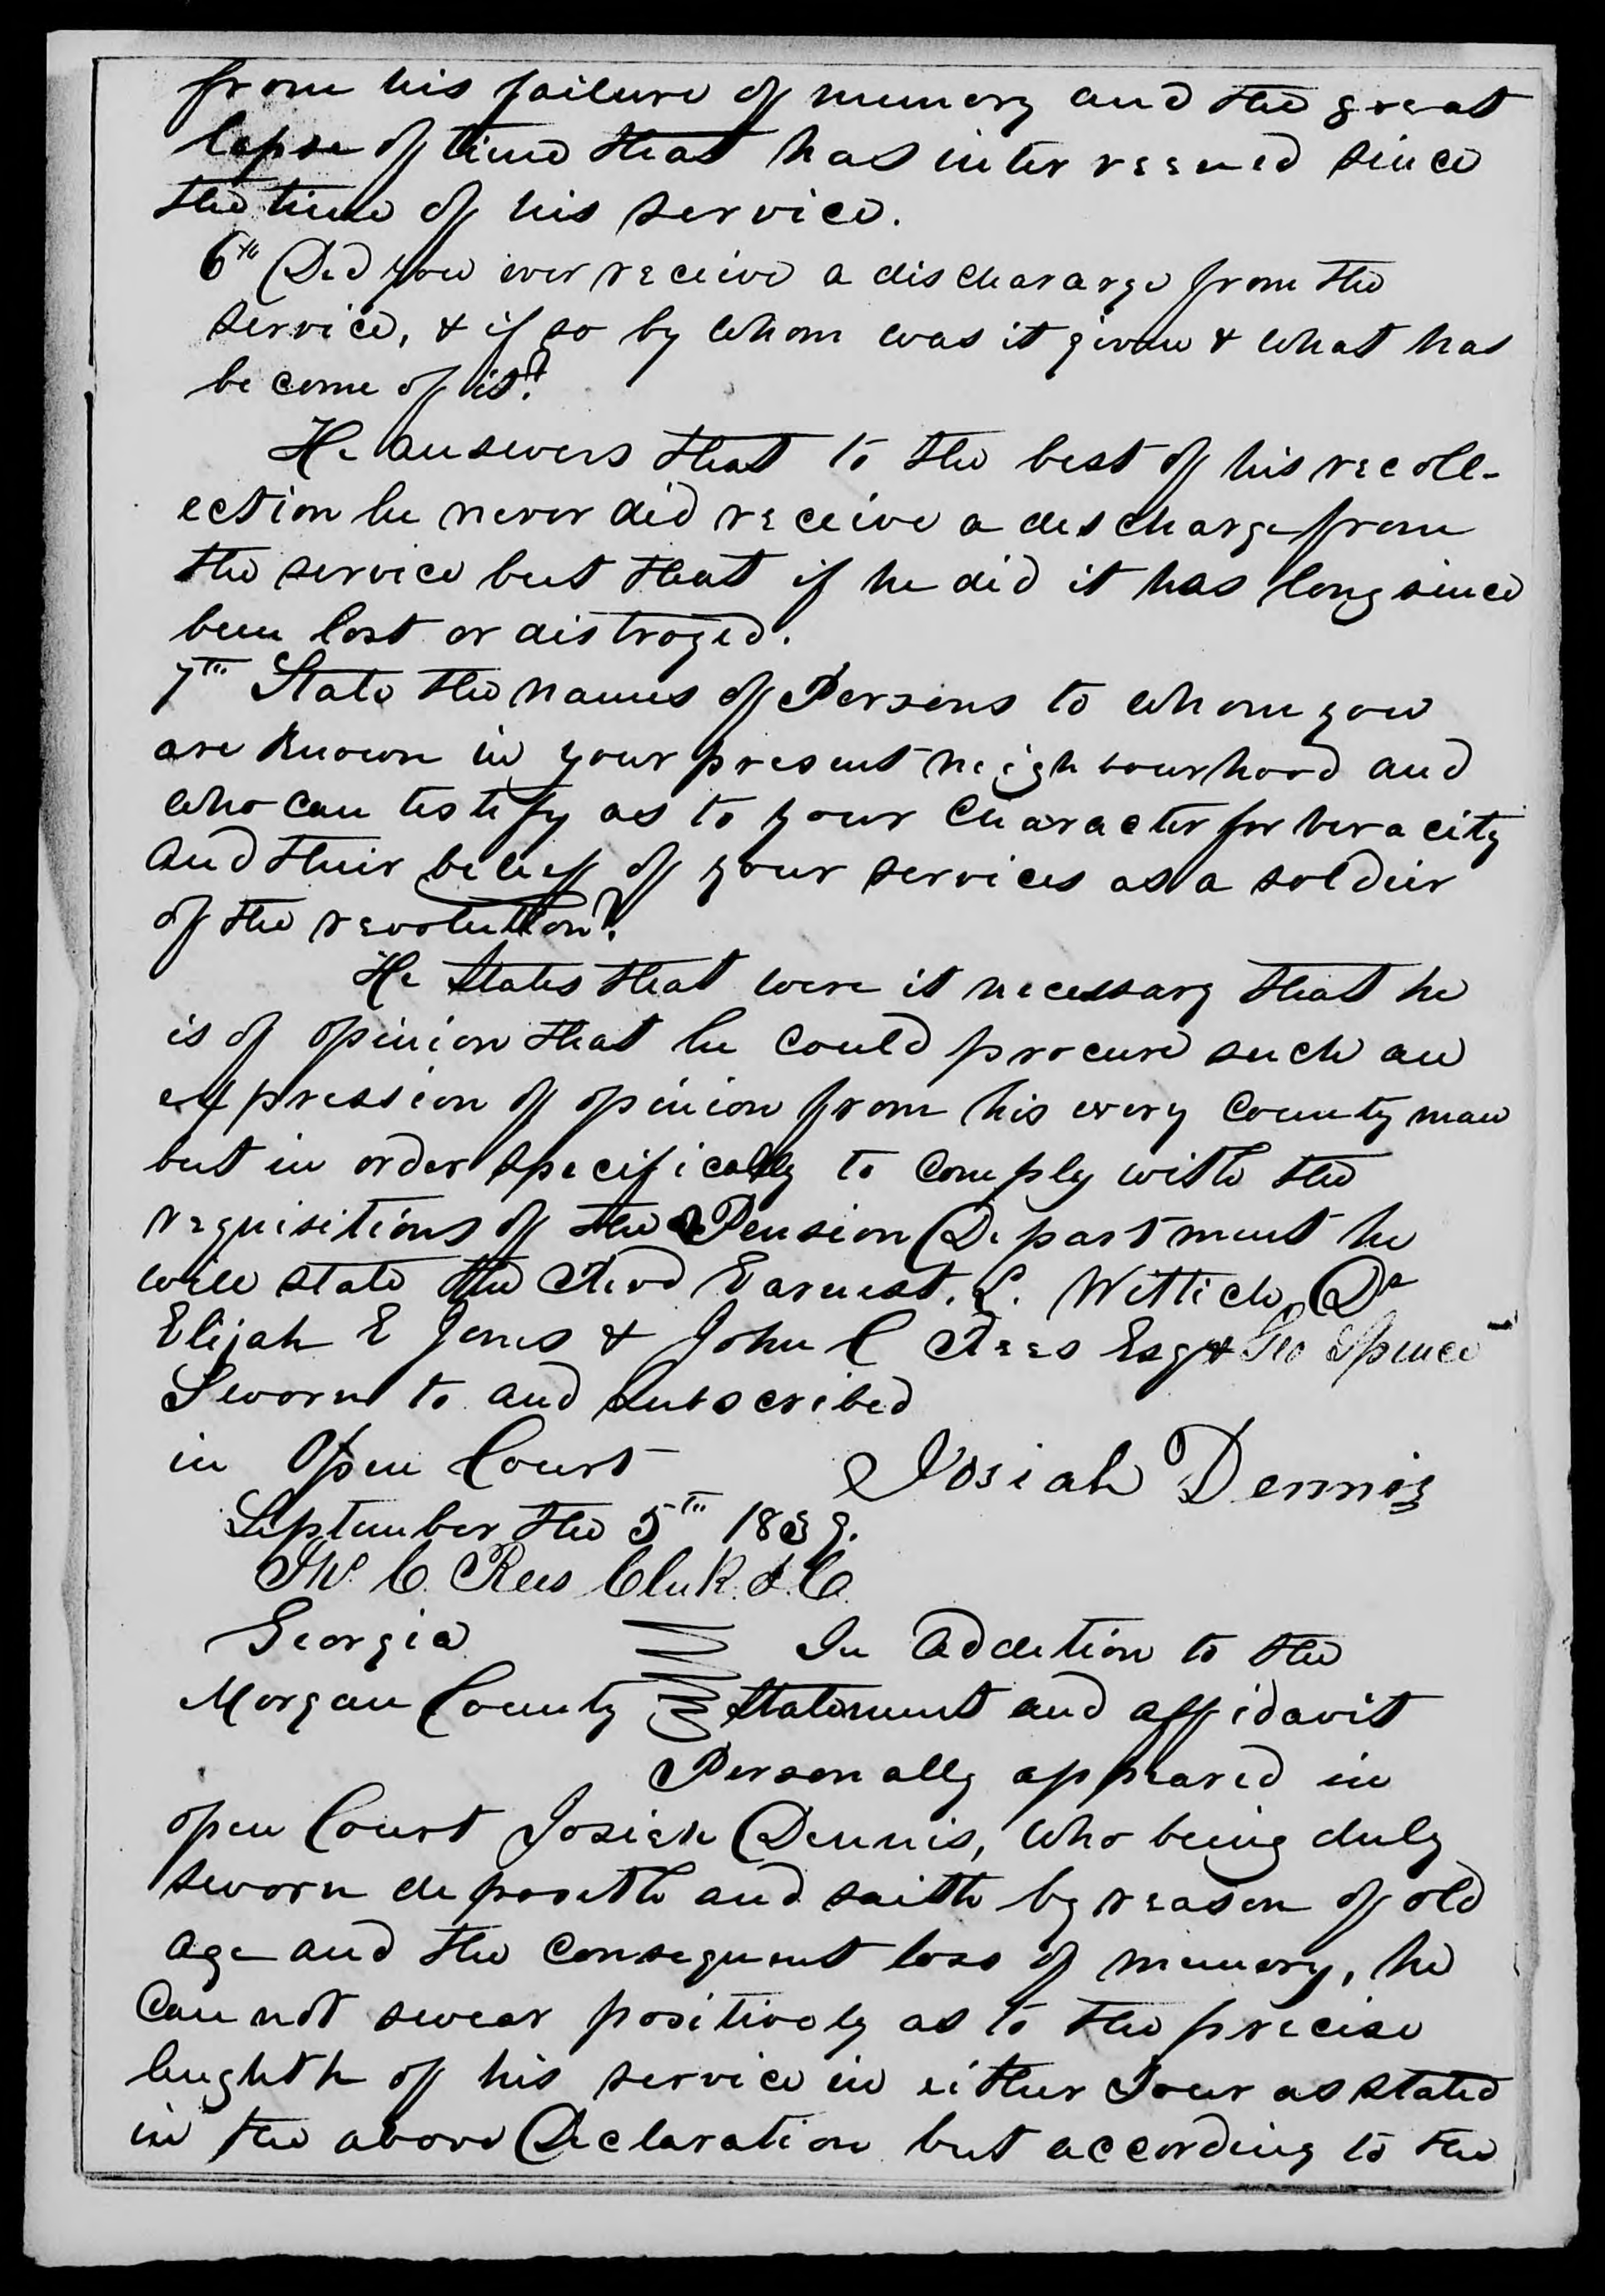from his failure of memory and the great
lapse of time that has interveened [intervened] since the time of his service.
6th Did you ever receive a discharge from the
service, & if so by whom was it given & what has become of it?
He answers that to the best of his recoll
ection he never did receive a discharge from
the service but that if he did it has long since
been lost or destroyed
7th State the names of persons to whom you
are known in your present neighbourhood and
who can testify as to your character for veracity and their belief of your services as a soldier
of the revolution?
He states that were it necessary that he
is of opinion that he could procure such an
expression of opinion from his every county man
but in order specifically to comply with the
requisitions of the Pension Department he
will state the third Earnest L Wittich Dr
Elijah E Jones & John C Fees Esq & Geo Spence
Sworn to and Subscribed
in Open Court  [signature] Josiah Dennis
September the 5th 1838.
Jno. C. Rees Clerk S.C
Georgia
Morgan County ⎬ 

---
In addition to the Statement and affidavit
Personally appeared in
open Court Josiah Dennis, who being duly
sworn deposeth and saith by reason of old
age and the consequent loss of memory, he
cannot swear positively as to the precise
length of his service in either tour as stated
in the above Declaration but according to the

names: Jno C Rees, John C Rees, Elijah E Jones, Josiah Dennis, Earnest L Wittich, Geo Spence, Josiah Dennis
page: 6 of 14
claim: rejected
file: R. 2,877, Josiah Dennis, Md.